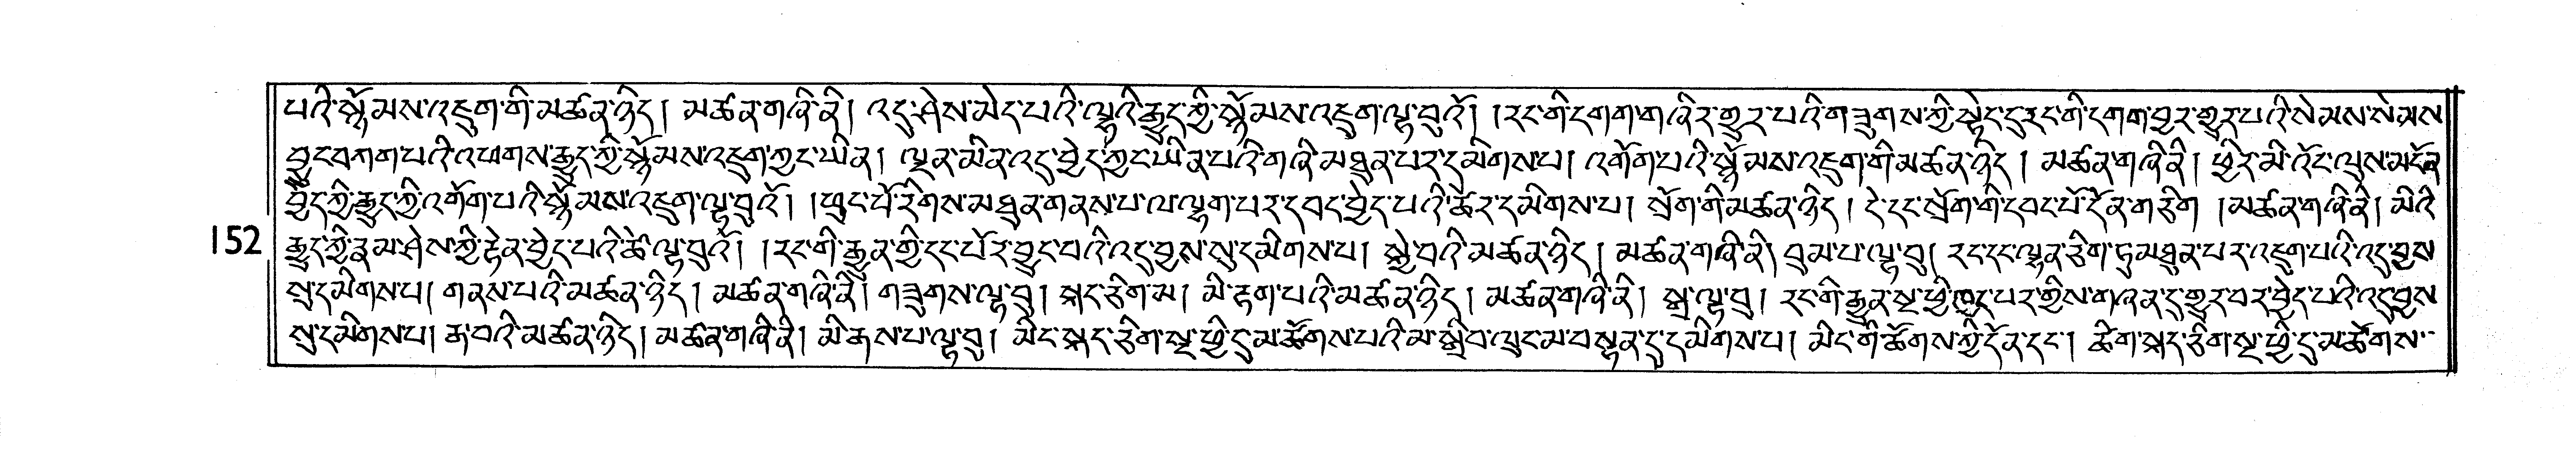པའི་སྙོམས་འཇུག་གི་མཚན་ཉིད། མཚན་གཞི་ནི། འདུ་ཤེས་མེད་པའི་ལྷའི་རྒྱུད་ཀྱི་སྙོམས་འཇུག་ལྟ་བུའོ། །རང་གི་དགག་གཞིར་གྱུར་པའི་གཟུགས་ཀྱི་སྟེང་དུ་རང་གི་དགག་བྱར་གྱུར་པའི་སེམས་སེམས་
བྱུང་བཀག་པའི་འཕགས་རྒྱུད་ཀྱི་སྙོམས་འཇུག་ཀྱང་ཡིན། ལྡན་མིན་འདུ་བྱེད་ཀྱང་ཡིན་པའི་གཞི་མཐུན་པར་དམིགས་པ། འགོག་པའི་སྙོམས་འཇུག་གི་མཚན་ཉིད། མཚན་གཞི་ནི། ཕྱིར་མི་འོང་ལུས་མངོན་
བྱེད་ཀྱི་རྒྱུད་ཀྱི་འགོག་པའི་སྙོམས་འཇུག་ལྟ་བུའོ། །ཕུང་པོ་རིགས་མཐུན་གནས་པ་ལ་ལྷག་པར་དབང་བྱེད་པའི་ཚེར་དམིགས་པ། སྲོག་གི་མཚན་ཉིད་།དེ་དང་སྲོག་གི་དབང་པོ་དོན་གཅིག །མཚན་གཞི་ནི། མིའི་
རྒྱུད་ཀྱི་རྣམ་ཤེས་ཀྱི་རྟེན་བྱེད་པའི་ཚེ་ལྟ་བུའོ། །རང་གི་རྒྱུན་གྱི་དང་པོར་བྱུང་བའི་འདུ་བྱས་སུ་དམིགས་པ། སྐྱེ་བའི་མཚན་ཉིད། མཚན་གཞི་ནི། བུམ་པ་ལྟ་བུ། རང་དང་ལྷན་ཅིག་ཏུ་མཐུན་པར་འཇུག་པའི་འདུ་བྱས་
སུ་དམིགས་པ། གནས་པའི་མཚན་ཉིད། མཚན་གཞི་ནི། གཟུགས་ལྟ་བུ། སྐད་ཅིག་མ། མི་རྟག་པའི་མཚན་ཉིད། མཚན་གཞི་ནི། སྒྲ་ལྟ་བུ། རང་གི་རྒྱུན་སྔ་ཕྱི་ཁྱད་པར་གྱིས་གཞན་དུ་གྱུར་བར་བྱེད་པའི་འདུ་བྱས་
སུ་དམིགས་པ། རྒ་བའི་མཚན་ཉིད། མཚན་གཞི་ནི། མི་རྒས་པ་ལྟ་བུ། མིང་སྐད་ཅིག་སྔ་ཕྱི་དུ་མ་ཚོགས་པའི་མ་སྒྲིབ་ལུང་མ་བསྟན་དུ་དམིགས་པ། མིང་གི་ཚོགས་ཀྱི་དོན་དང་། ཚིག་སྐད་ཅིག་སྔ་ཕྱི་དུ་མ་ཚོགས་